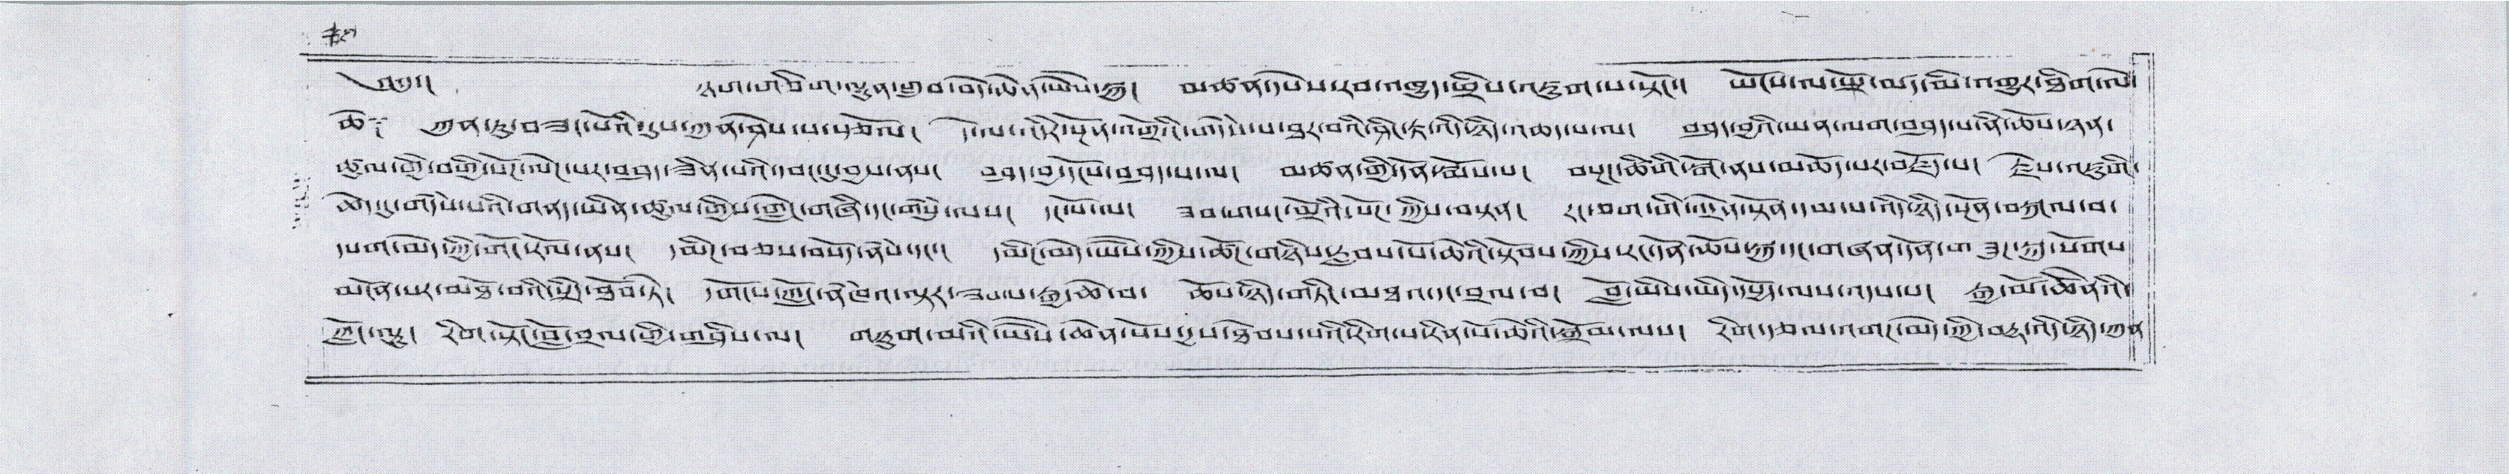༄༅།། ཉག་ཅིག་ལྷུན་གྲུབ་བདེ་ཆེན་ཡེ་ཤེས་སྐུ། མཚན་དཔེས་རབ་འཁྱུད་འཕྲིན་ལས་འཇུག་པ་སྟོང་། ཡོངས་ལ་སྤྲོ་མཛད་མི་འགྱུར་ཐིག་ལེ་
ཆེ། ཀུན་ཏུ་བཟང་པོས་དུས་ཀུན་ཤིས་པ་སྩོལ། །དེ་ལ་འདིར་སྔོན་འགྲོའི་གདམས་པ་ཐར་པའི་ཤིང་རྟ་འདི་ཉིད་འཆད་པ་ལ། བཤད་བྱའི་ཡན་ལག་བཤད་པ་ནི་ཆོས་ཉན་
ཚུལ་གྱི་བགྱི་སོགས་ལེགས་པར་བཤད་ཟིན་པའི་དབང་དུ་བྱས་ནས། བཤད་བྱ་དངོས་བཤད་པ་ལ། མཚན་གྱི་དོན་སྨོས་པ། སྔགས་ཚིག་གི་སྒོ་ནས་མཆོད་པར་བརྗོད་པ། རྗེས་འཇུག་གི་
ཆེད་དུ་གདམས་པའི་གནད་ཡིན་ཚུལ་གྱིས་གླེང་གཞི་དང་གསུམ་ལས། དང་པོ་ལ། ཟབ་གསང་མཁའ་འགྲོའི་སོགས་ཀྱིས་བསྟན། རང་ཅག་གི་འདྲེན་སྟོན་དམ་པ་འདི་ཉིད་སྔོན་བསྐལ་པ་
དཔག་མེད་ཀྱི་གོང་རོལ་ནས། དམིགས་བཅས་བསོད་ནམས་དང་། དམིགས་མེད་ཡེ་ཤེས་ཀྱི་ཚོགས་གཉིས་རླབས་པོ་ཆེའི་སྟོབས་ཀྱིས་རང་དོན་ཆོས་སྐུ་དང་གཞན་དོན་གཟུགས་སྐུ་སོགས་
མངོན་པར་མཐོ་བའི་སྲིད་ཐོབ་སྟེ། དགོངས་ཀློང་ནམ་མཁའ་ལྟར་ཟབ་པ་རྒྱ་ཆེ་བ། ཆོས་ཉིད་གཏིང་མཐའ་དང་བྲལ་བ། བློ་ཡིས་ཡིད་དཔྱོད་ལས་འདས་པ། རྒྱ་མཚོ་ཆེན་པོའི་
ཀློང་ལྟ་བུ། རིག་སྟོང་བློ་བྲལ་གྱི་གཤིས་ལ། གཉུག་མའི་ཡེ་ཤེས་ཆེན་པོས་རྒྱས་ཐེབས་པའི་རིག་པ་རིན་པོ་ཆེའི་སྒྲོམ་ལས། རིག་རྩལ་འགག་མེད་ཀྱི་བརྡ་འདི་ཉིད་ཀུན་